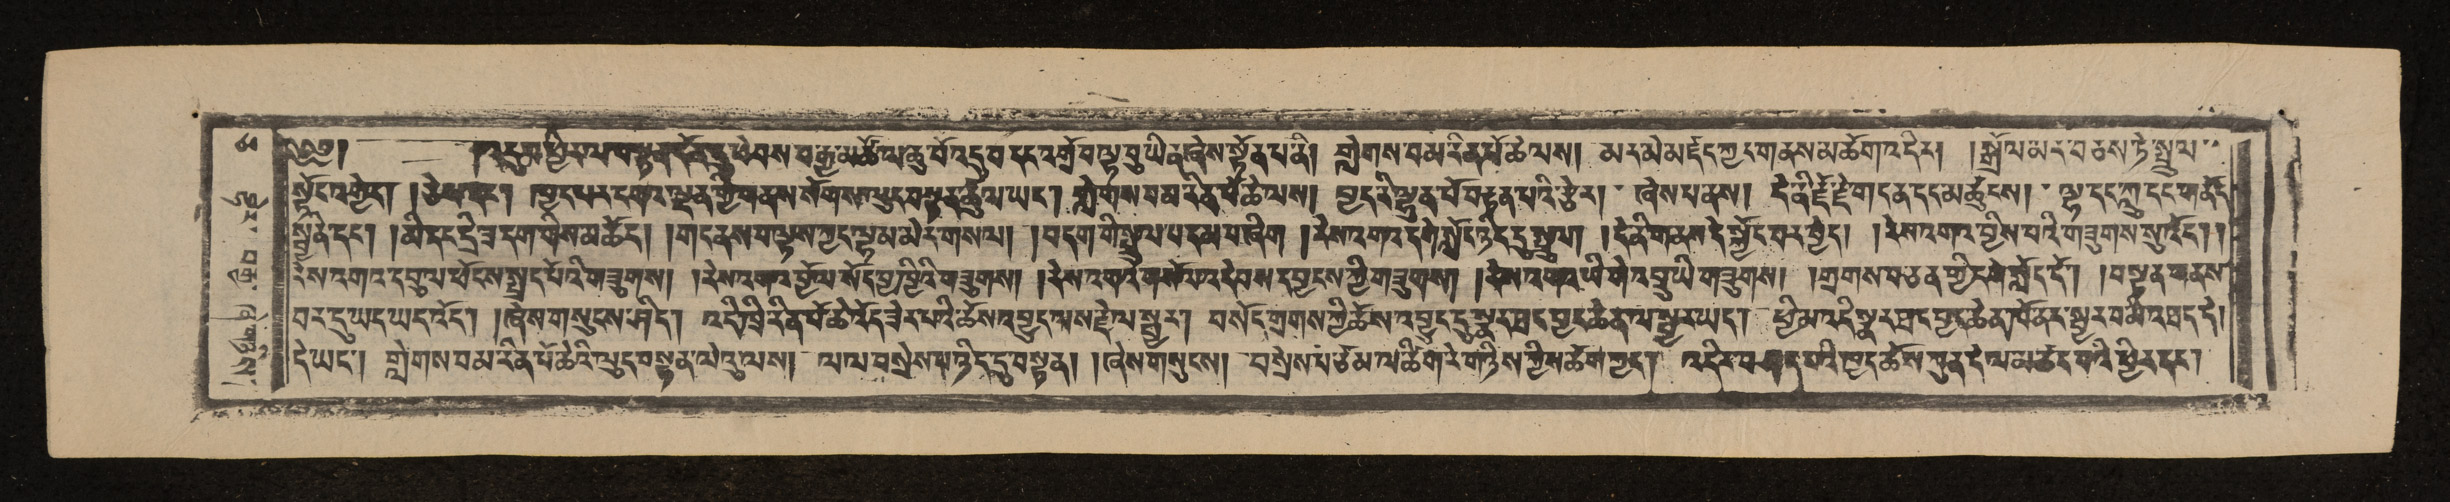༄༅། །འདུ་བ་ཕྱིར་ལ་བསྟན་དོན་དུ་ཕེབས་པ་རྒྱ་མཚོ་ལ་ཆུ་བོ་འདུ་བ་དང་འགྲོ་བ་ལྟ་བུ་ཡིན་ཞེས་སྟོན་པ་ནི། གླེགས་བམ་རིན་པོ་ཆེ་ལས། མར་མེ་མཛད་ཀྱང་གནས་མཆོག་འདིར། །སྒྲོལ་མར་བཅས་ཏེ་སྤྲུལ་
སྟོང་འགྱེད། །ཅེས་དང་། ཁྱད་པར་དགའ་ལྡན་གྱི་གནས་སོགས་ལུང་བསྟན་ཚུལ་ཡང་། གླེགས་བམ་རིན་པོ་ཆེ་ལས། བྱང་རི་ལྷུན་པོ་བརྟན་པའི་རྩེར། །ཞེས་པ་ནས། དེ་ནི་རྡོ་རྗེ་གདན་དང་མཚུངས། །ལྷ་དང་ཀླུ་དང་གནོད་
སྦྱིན་དང་། །མི་དང་དྲི་ཟ་དག་གིས་མཆོད། །གང་ནས་བལྟས་ཀྱང་ལྷམ་མེར་གསལ། །བདག་གི་སྤྲུལ་པ་དམ་པ་ཞིག །རེས་འགའ་དགེ་སློང་ཉིད་དུ་སྤྲུལ། །དེ་ནི་གནས་དེ་སྐྱོང་བར་བྱེད། །རེས་འགའ་བྱིས་པའི་གཟུགས་སུ་འོང་། །
རེས་འགའ་དབུལ་ཕོངས་སྤྲང་པོའི་གཟུགས། །རེས་འགའ་བྱོལ་སོང་བྱ་ཁྱིའི་གཟུགས། །རེས་འགའ་གསོལ་འདབས་དབྱངས་ཀྱི་གཟུགས། །རེས་འགའ་ཡི་གེ་འབྲུ་ཡི་གཟུགས། །གྲགས་པ་ཅན་གྱི་དགེ་སློང་ངོ། །བསྟན་གནས་
བར་དུ་ཡང་ཡང་འོང་། །ཞེས་གསུངས་ཤིང་། འདི་ཁྲི་རིན་པོ་ཆེ་འོད་ཟེར་པའི་ཆོས་འབྱུང་ལས་རྗེ་ལ་སྦྱར། བསོད་གྲགས་ཀྱི་ཆོས་འབྱུང་དུ་སྣར་ཐང་བྱང་ཆེན་ལ་སྦྱར་ཡང་། ཕྱི་མ་འདི་སྣར་ཐང་བྱང་ཆེན་ཁོ་ནར་སྦྱར་བ་མི་འཐད་དེ།
དེ་ཡང་། གླེགས་བམ་རིན་པོ་ཆེའི་ལུང་བསྟན་ལེའུ་ལས། ལ་ལ་བསྲེས་པ་ཉིད་དུ་བསྟན། །ཞེས་གསུངས། བསྲེས་པ་ཙམ་ལ་ཚིག་རེ་གཉིས་ཀྱིས་ཆོག་ཀྱང་། འདིར་བཤད་པའི་ཁྱད་ཆོས་ཀུན་དེ་ལ་མ་ཚང་བའི་ཕྱིར་དང་།